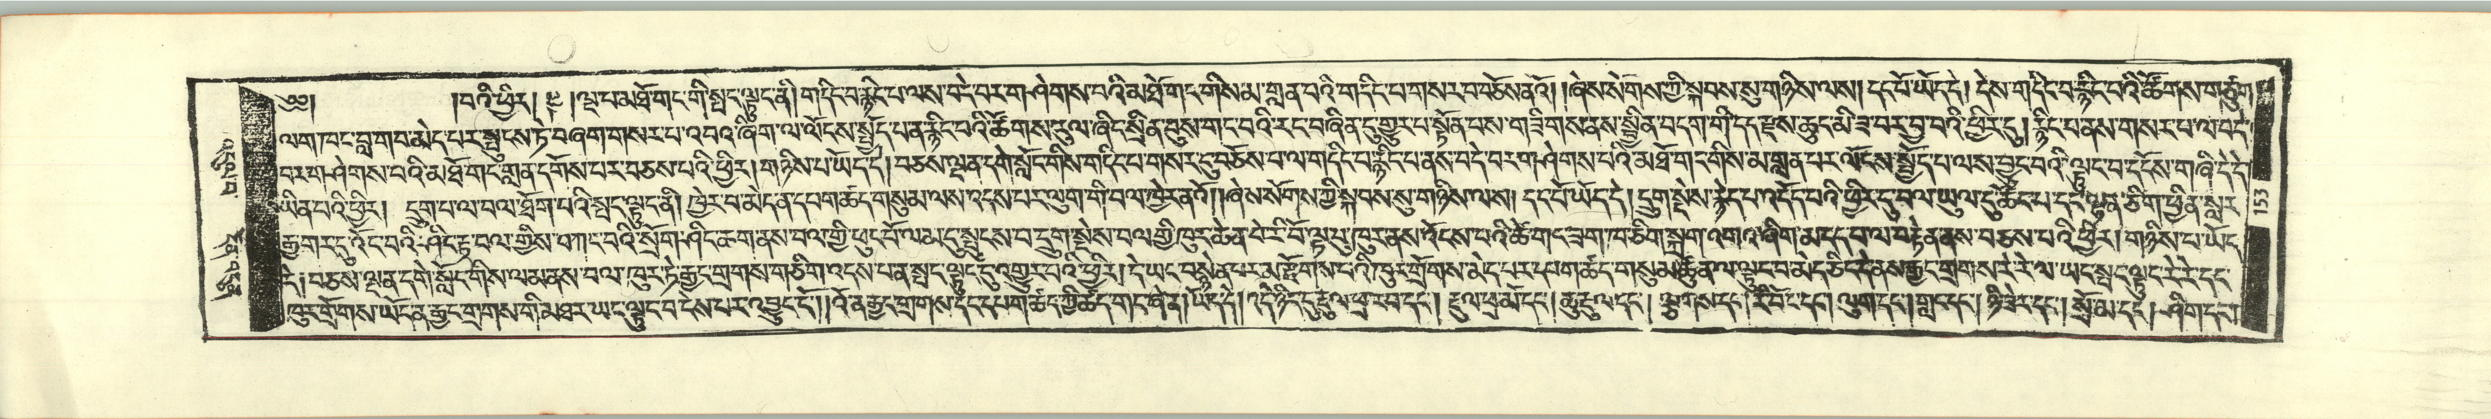༄༅། །བའི་ཕྱིར། ༈ །ལྔ་པ་མཐོ་གང་གི་སྤང་ལྟུང་ནི། གདིང་བ་རྙིང་པ་ལས་བདེ་བར་གཤེགས་པའི་མཐོ་གང་གིས་མ་གླན་པའི་གདིང་པ་གསར་བ་བཅོས་ནའོ། །ཞེས་སོགས་ཀྱི་སྐབས་སུ་གཉིས་ལས། དང་པོ་ཡོད་དེ། དེས་གདིང་བ་རྙིང་པའི་ཚོགས་གཙུག་
ལག་ཁང་བླ་གབ་མེད་པར་སྤུངས་ཏེ་བཞག་གསར་པ་འབའ་ཞིག་ལ་ལོངས་སྤྱོད་པ་ན་རྙིང་པའི་ཚོགས་རུལ་ཞིང་སྲིན་བུས་གང་བའི་རང་བཞིན་དུ་གྱུར་པ་སྟོན་པས་གཟིགས་ནས་སྦྱིན་བདག་གི་དད་རྫས་ཆུང་མི་ཟ་བར་བྱ་བའི་ཕྱིར་དུ། རྙིང་པ་ནས་གསར་པ་ལ་བདེ་
བར་གཤེགས་པའི་མཐོ་གང་གླན་དགོས་པར་བཅས་པའི་ཕྱིར། གཉིས་པ་ཡོད་དེ། བཅས་ལྡན་དགེ་སློང་གིས་གདིང་པ་གསར་དུ་བཅོས་པ་ལ་གདིང་བ་རྙིང་པ་ནས་བདེ་བར་གཤེགས་པའི་མཐོ་གང་གིས་མ་གླན་པར་ལོངས་སྤྱོད་པ་ལས་བྱུང་བའི་ལྟུང་བ་དངོས་གཞི་དེ་དེ་
ཡིན་པའི་ཕྱིར། དྲུག་པ་ལ་བལ་ཐོག་པའི་སྤང་ལྟུང་ནི། ཁྱེར་བ་མེད་ན་དཔག་ཚད་གསུམ་ལས་འདས་པར་ལུག་གི་བལ་ཁྱེར་ནའོ། །ཞེས་སོགས་ཀྱི་སྐབས་སུ་གཉིས་ལས། དང་པོ་ཡོད་དེ། དྲུག་སྡེས་རྙེད་པ་འདོད་པའི་ཕྱིར་དུ་བལ་ཡུལ་དུ་ཚོང་པ་དང་ལྷན་ཅིག་ཕྱིན་སླར་
རྒྱ་གར་དུ་འོང་བའི་ཤིང་རྟ་བལ་གྱིས་བཀང་བའི་སྲོག་ཤིང་ཆག་ནས་བལ་གྱི་ཕུང་པོ་ལམ་དུ་སྤུངས་པ་དྲུག་སྡེས་བལ་གྱི་ཁུར་ཆེན་བེ་རི་བོ་ལྟ་བུ་ཁུར་ནས་འོངས་པའི་ཚེ་གང་ཟག་ཁ་ཅིག་སྐྲག་འགའ་ཞིག་མ་དད་པ་ལ་བརྟེན་ནས་བཅས་པའི་ཕྱིར། གཉིས་པ་ཡོད་
དེ༑ བཅས་ལྡན་དགེ་སློང་གིས་ལམ་ནས་བལ་ཁུར་ཏེ་རྒྱང་གྲགས་གཅིག་འདས་པ་ན་སྤང་ལྟུང་དུ་འགྱུར་བའི་ཕྱིར། དེ་ཡང་བསྙེན་པར་མ་རྫོགས་པའི་ཁུར་གྲོགས་མེད་པར་དཔག་ཚད་གསུམ་ཚུན་ལ་ལྟུང་བ་མེད་ཅིང་དེ་ནས་རྒྱང་གྲགས་རེ་རེ་ལ་ཡང་སྤང་ལྟུང་རེ་རེ་དང་
ཁུར་གྲོགས་ཡོད་ན་རྒྱང་གྲགས་གི་མཐར་ཡང་ལྟུང་བ་ངེས་པར་འབྱུང་ངོ། །འོ་ན་རྒྱང་གྲགས་དང་དཔག་ཚད་ཀྱི་ཚད་གང་ཞེ་ན། ཡོད་དེ། འདི་ཉིད་དུ་རྡུལ་ཕྲ་རབ་དང་། རྡུལ་ཕྲ་མོ་དང་། ཆུ་རྡུལ་དང་། ལྕགས་དང་། རི་བོང་དང་། ལུག་དང་། གླང་དང་། ཉི་ཟེར་དང་། སྲོ་མ་དང་། ཤིག་དང་།